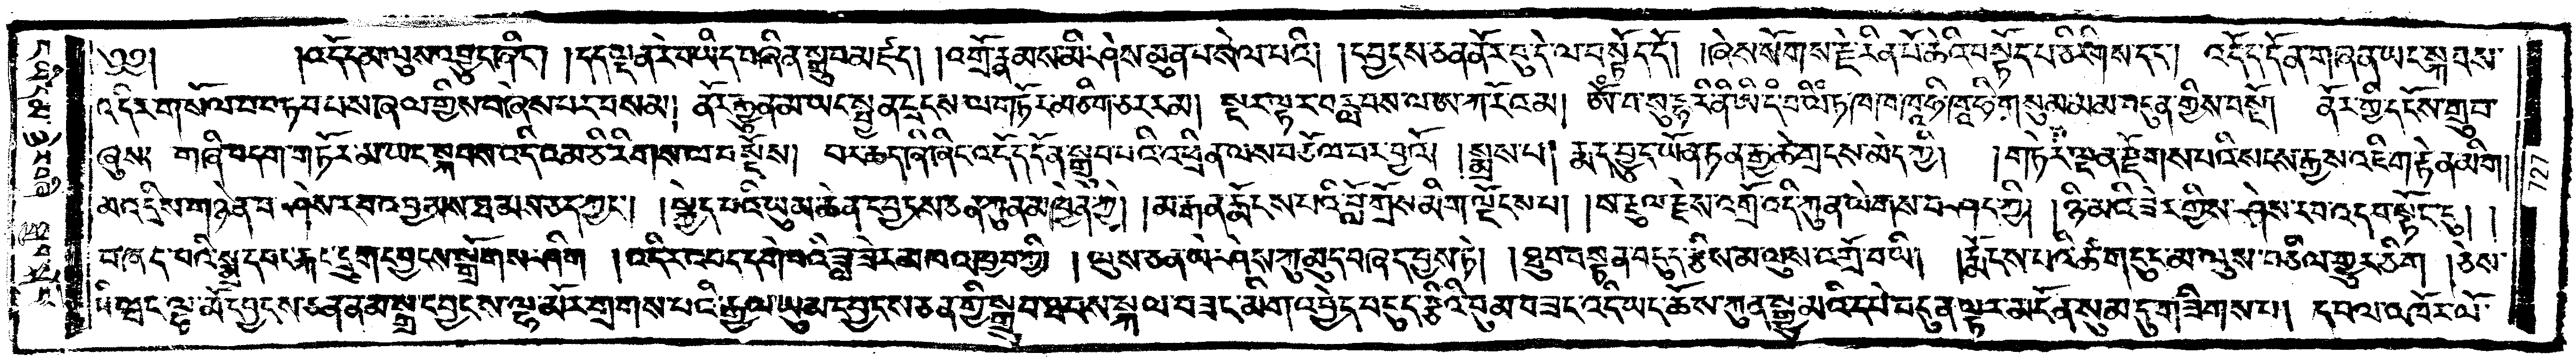༄༅། །འདོད་མ་ལུས་འབྱུང་ཞིང་། །དད་ལྡན་རེ་བ་ཡིད་བཞིན་སྒྲུབ་མཛད། །འགྲོ་རྣམས་མི་ཤེས་མུན་པ་སེལ་བའི། །དབྱངས་ཅན་ནོར་བུ་དེ་ལ་བསྟོད་དོ། །ཞེས་སོགས་རྗེ་རིན་པོ་ཆེའི་བསྟོད་པ་ཅི་རིགས་དང་། འདོད་དོན་གཞན་ཡང་སྐབས་
འདིར་གསོལ་བ་བཏབ་པས་ཞལ་གྱིས་བཞེས་པར་བསམ། ནོར་རྒྱུན་མ་ཡང་སྤྱན་དྲངས་ལ་གཏོར་མ་ཅིག་ཅར་རམ། སྔར་ལྟར་བརླབས་ལ་ཨ་ཀ་རོ་འམ། ཨོཾ་བ་སུ་དྷ་རི་ནི་ཨི་དཾ་བ་ལི་ཏ་ཁ་ཁ་ཁཱ་ཧི་ཁཱ་ཧི་གསུམ་མམ་བདུན་གྱིས་བསྡོ། ནོར་གྱི་དངོས་གྲུབ་
ཞུས༑ གཞི་བདག་གཏོར་མ་ཡང་སྐབས་འདི་འམ་ཅི་རིགས་ལ་བསྔོས། བར་ཆད་ཞི་ཞིང་འདོད་དོན་སྒྲུབ་པའི་འཕྲིན་ལས་བཅོལ་བར་བྱའོ། །སྨྲས་པ། རྨད་བྱུང་ཡོན་ཏན་རྒྱ་ཆེ་གྲང་མེད་ཀྱི། །གཏེར་ལྡན་རྫོགས་པའི་སངས་རྒྱས་འཇིག་རྟེན་མིག།
མ་འདྲིས་གཉེན་བ་ཤེས་རབ་འབྱམས་ཐམས་ཅད་ཀྱང་། །སྐྱེད་བའི་ཡུམ་ཆེན་དབྱངས་ཅན་ཀུན་མཁྱེན་ཀྱི། །མ་རྒན་རྨོངས་པའི་བློ་གྲོས་མིག་ལྡོངས་པ། །ས་རྡུལ་རྗེས་འགྲོ་འདི་ཀུན་ལེགས་བཤད་ཀྱི། །ཉི་མའི་ཟེར་གྱིས་ཤེས་རབ་འདག་སྟོང་དུ། །
བཞད་པའི་སྨྲ་དབང་རྐང་དྲུག་དབྱངས་སྒྲོགས་ཤིག །འདིར་འབད་དགེ་བའི་ཟླ་ཟེར་མཁའ་ཁྱབ་ཀྱི། །ལུས་ཅན་ཡེ་ཤེས་ཀུ་མུད་བཞད་བྱས་ཏེ། །ཐུབ་བསྟན་བདུད་རྩིས་མ་ལུས་འགྲོ་བ་ཡི། །རྨོངས་པའི་ཚ་གདུང་མ་ལུས་བཅིལ་གྱུར་ཅིག། །ཅེས་
བི་ཝང་ལྷ་མོ་དབྱངས་ཅན་ནམ་སྒྲ་དབྱངས་ལྷ་མོར་གྲགས་པའི་རྒྱལ་ཡུམ་དབྱངས་ཅན་གྱི་སྒྲུབ་ཐབས་སྐལ་བཟང་མིག་འབྱེད་བདུད་རྩིའི་བུམ་བཟང་འདི་ཡང་ཆོས་ཀུན་སྒྱུ་མའི་དཔེ་བདུན་ལྟར་མངོན་སུམ་དུ་གཟིགས་པ། དཔལ་འཁོར་ལོ་